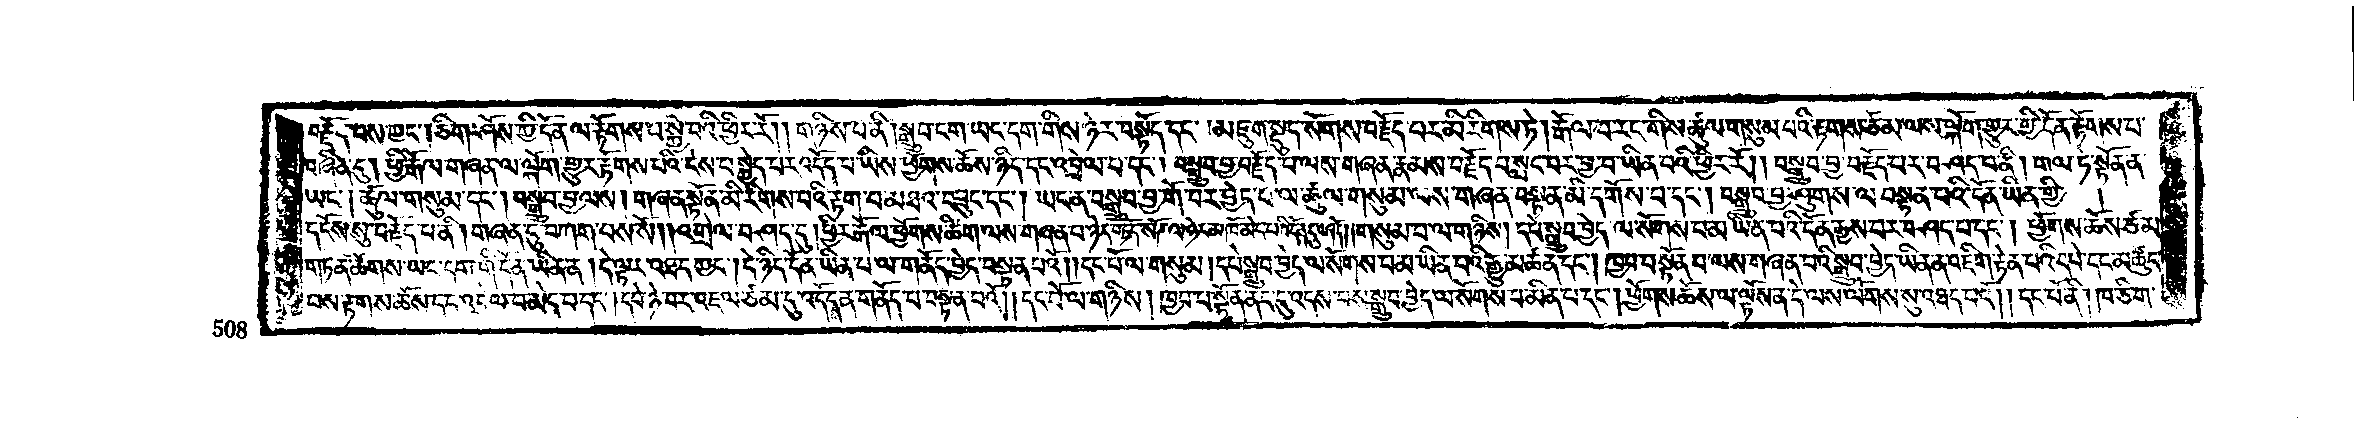བརྗོད་པས་ཀྱང་། ཅིག་ཤོས་ཀྱི་དོན་ལ་རྟོགས་པ་སྐྱེ་བའི་ཕྱིར་རོ། །གཉིས་པ་ནི། སྒྲུབ་ངག་ཡང་དག་གིས་ཉེར་བསྟོད་དང་། མཇུག་སྡུད་སོགས་བརྗོད་པར་མི་རིགས་ཏེ། རྒོལ་བ་རང་གིས་ཚུལ་གསུམ་པའི་རྟགས་ཙམ་ལས་ལྐོག་གྱུར་གྱི་དོན་རྟོགས་པ་
བཞིན་དུ། ཕྱི་རྒོལ་གཞན་ལ་ལྐོག་གྱུར་རྟོགས་པའི་ངེས་པ་སྐྱེད་པར་འདོད་པ་ཡིས་ཕྱོགས་ཆོས་ཉིད་དང་འབྲེལ་པ་དང་། བསྒྲུབ་བྱ་བརྗོད་པ་ལས་གཞན་རྣམས་བརྗོད་བསླང་བར་བྱ་བ་ཡིན་པའི་ཕྱིར་རོ། །བསྒྲུབ་བྱ་བརྗོད་པར་བཤད་པ་ནི། གལ་ཏེ་སྟོན་ན་
ཡང༑ ཚུལ་གསུམ་དང་། བསྒྲུབ་བྱ་ལས། གཞན་སྟོན་མི་རིགས་པའི་རྟག་པ་མཐའ་བཟུང་དང་། ཡང་ན་བསྒྲུབ་བྱ་གོ་བར་བྱེད་པ་ལ་ཚུལ་གསུམ་ལས་གཞན་བསྟན་མི་དགོས་པ་དང་། བསྒྲུབ་བྱ་ཤུགས་ལ་བསྟན་པའི་དོན་ཡིན་གྱི་།
དངོས་སུ་བརྗོད་པ་ནི། གཞན་དུ་བཀག་པས་སོ། །འགྲེལ་བཤད་དུ། ཕྱིར་རྒོལ་ཕྱོགས་ཚིག་ལས་གཞན་པ་ཉེར་བཏོད་སོགས་ལ་ཉེར་མཁོ་མེད་པའི་དོན་དུ་འདོད། །གསུམ་པ་ལ་གཉིས། དཔེ་སྒྲུབ་བྱེད་ལ་སོགས་པ་མ་ཡིན་པའི་དོན་རྒྱས་པར་བཤད་པ་དང་། ཕྱོགས་ཆོས་ཙམ་
གཏན་ཚིགས་ཡང་དག་གི་དོན་ཡིན་ན། དེ་ལྟར་འཐད་ཀྱང་། དེ་ཉིད་དོན་ཡིན་པ་ལ་གནོད་བྱེད་བསྟན་པའོ། །དང་པོ་ལ་གསུམ། དཔེ་སྒྲུབ་བྱེད་ལ་སོགས་པ་མ་ཡིན་པའི་རྒྱུ་མཚན་དང་། ཁྱབ་པ་སྟོན་པ་ལས་གཞན་པའི་སྒྲུབ་བྱེད་ཡིན་ན་འཇིག་རྟེན་པའི་དཔེ་དང་མཚུང་
པས་རྟགས་ཆོས་དང་འདྲེལ་པ་མེད་པ་དང་། དཔེ་ཉེ་བར་འཇལ་ཙམ་དུ་འདོད་ན་གནོད་པ་བསྟན་པའོ། །དང་པོ་ལ་གཉིས། ཁྱབ་པ་སྟོན་ནང་དུ་འདས་པས་སྒྲུབ་བྱེད་ལ་སོགས་པ་མིན་པ་དང་། ཕྱོགས་ཆོས་ལ་ལྟོས་ན་དེ་ལས་ལོགས་སུ་འཐད་པའོ། །དང་པོ་ནི། ཁ་ཅིག་